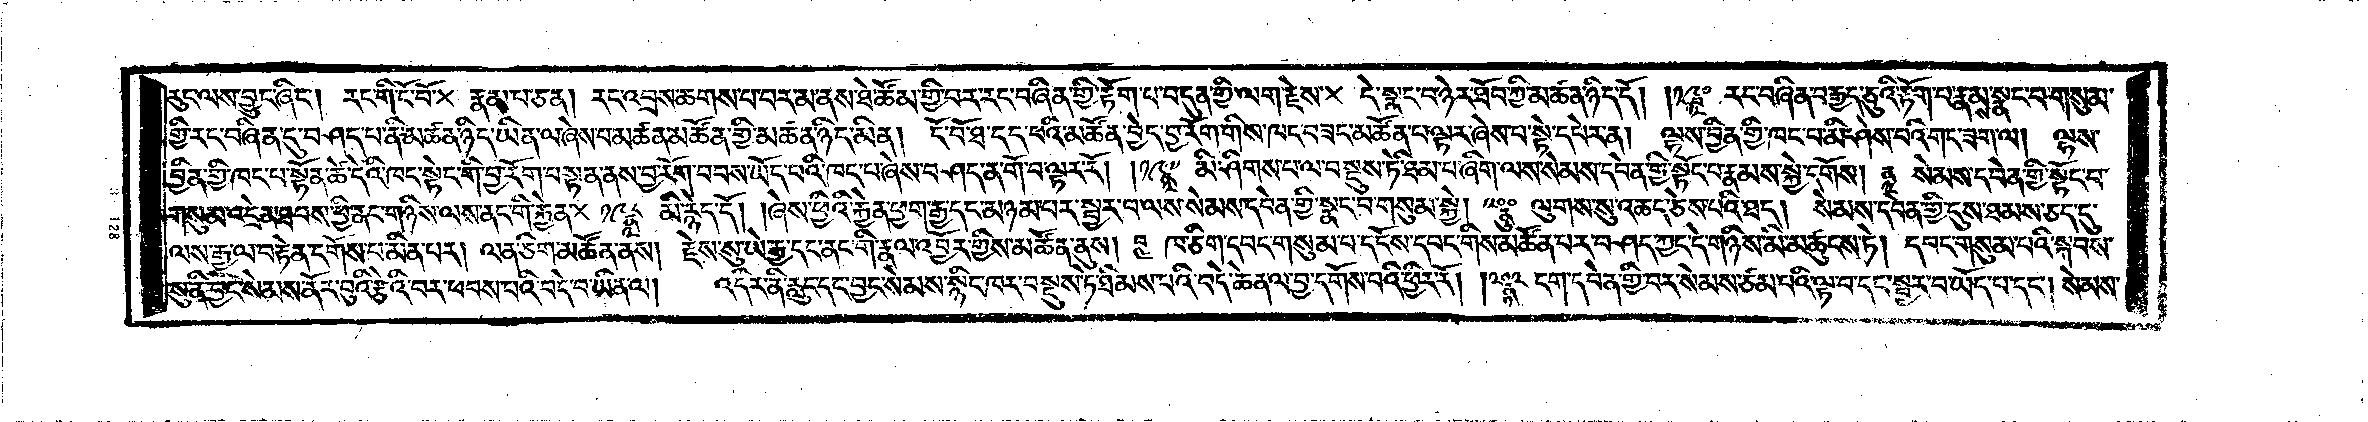རུང་ལས་བྱུང་ཞིང་། རང་གི་ངོ་བོ྾་རྣམ་པ་ཅན། རང་འབྲས་ཆགས་པ་བར་མ་ནས་ཐེ་ཚོམ་གྱི་བར་རང་བཞིན་གྱི་རྟོག་པ་བདུན་གྱི་ལག་རྗེས྾་དེ་སྣང་བ་ཉེར་ཐོབ་ཀྱི་མཚན་ཉིད་དོ། །༡༨༡་རང་བཞིན་བརྒྱད་ཅུའི་རྟོག་པ་རྣམས་སྣང་བ་གསུམ་
གྱི་རང་བཞིན་དུ་བཤད་པ་ནི་མཚན་ཉིད་ཡིན་ལ་ཞེས་པ་མཚན་མཚོན་གྱི་མཚན་ཉིད་མིན། ངོ་བོ་ཐ་དད་པའི་མཚོན་བྱེད་བྱ་རོག་གིས་ཁང་བཟང་མཚོན་པ་ལྟར་ཞེས་པ་སྟེ་དཔེར་ན། ལྷས་བྱིན་གྱི་ཁང་བ་མི་ཤེས་པའི་གང་ཟག་ལ། ལྷས་
བྱིན་གྱི་ཁྱད་པ་སྟོན་ཚེ་དེའི་ཁང་སྟེང་གི་བྱ་རོག་བསྟན་ནས་བྱ་རོག་བབས་ཡོད་པའི་ཁང་པ་ཞེས་བཤད་ན་གོ་བ་ལྟར་རོ། །༡༩ན༢༧་མི་ཤིགས་པ་ལ་བསྡུས་ཏེ་ཐིམ་པ་ཞིག་ལས་སེམས་དབེན་གྱི་སྟོང་པ་རྣམས་སྐྱེ་དགོས། ན༣་སེམས་དབེན་གྱི་སྟོང་པ་
གསུམ་འདྲེན་ཐབས་ཕྱི་ནང་གཉིས་ལས་ནང་གི་རྐྱེན྾ ༡༩ན༢༢་མི་རྙེད་དོ། །ཞེས་ཕྱིའི་རྐྱེན་ཕྱག་རྒྱུ་དང་མཉམ་པར་སྦྱར་བ་ལས་སེམས་དབེན་གྱི་སྣང་བ་གསུམ་སྐྱེ། ༢༠༠ནུ་ལུགས་སུ་འཆད་ཅེས་པའི་ཐད། སེམས་དབེན་གྱི་དུས་ཐམས་ཅད་དུ་
ལས་རྒྱ་ལང་རྟེན་དགོས་པ་མིན་པར། ལན་ཅིག་མཚོན་ནས། རྗེས་སུ་ཡེ་རྒྱ་དང་ནང་གི་རྣལ་འབྱོར་གྱིས་མཚོན་ནུས། བ༤་ཁ་ཅིག་དབང་གསུམ་པ་དངོས་དབང་གིས་མཚོན་པར་བཤད་ཀྱང་དེ་གཉིས་མི་མཚུངས་ཏེ། དབང་གསུམ་པའི་སྐབས་
སུ་ནི་བྱང་སེམས་ནོར་བུའི་རྩེའི་བར་ཕབས་པའི་བདེ་བ་ཡིན་ལ། འདིར་ནི་རླུང་དང་བྱང་སེམས་སྙིང་ཁར་བསྡུས་ཏེ་ཐིམ་པའི་བདེ་ཆེན་ལ་བྱ་དགོས་པའི་ཕྱིར་རོ། །༢༠ན༡༢་ངག་དབེན་གྱི་བར་སེམས་ཙམ་པའི་ལྟ་བ་དང་སྦྱར་བ་ཡོད་པ་དང་། སེམས་